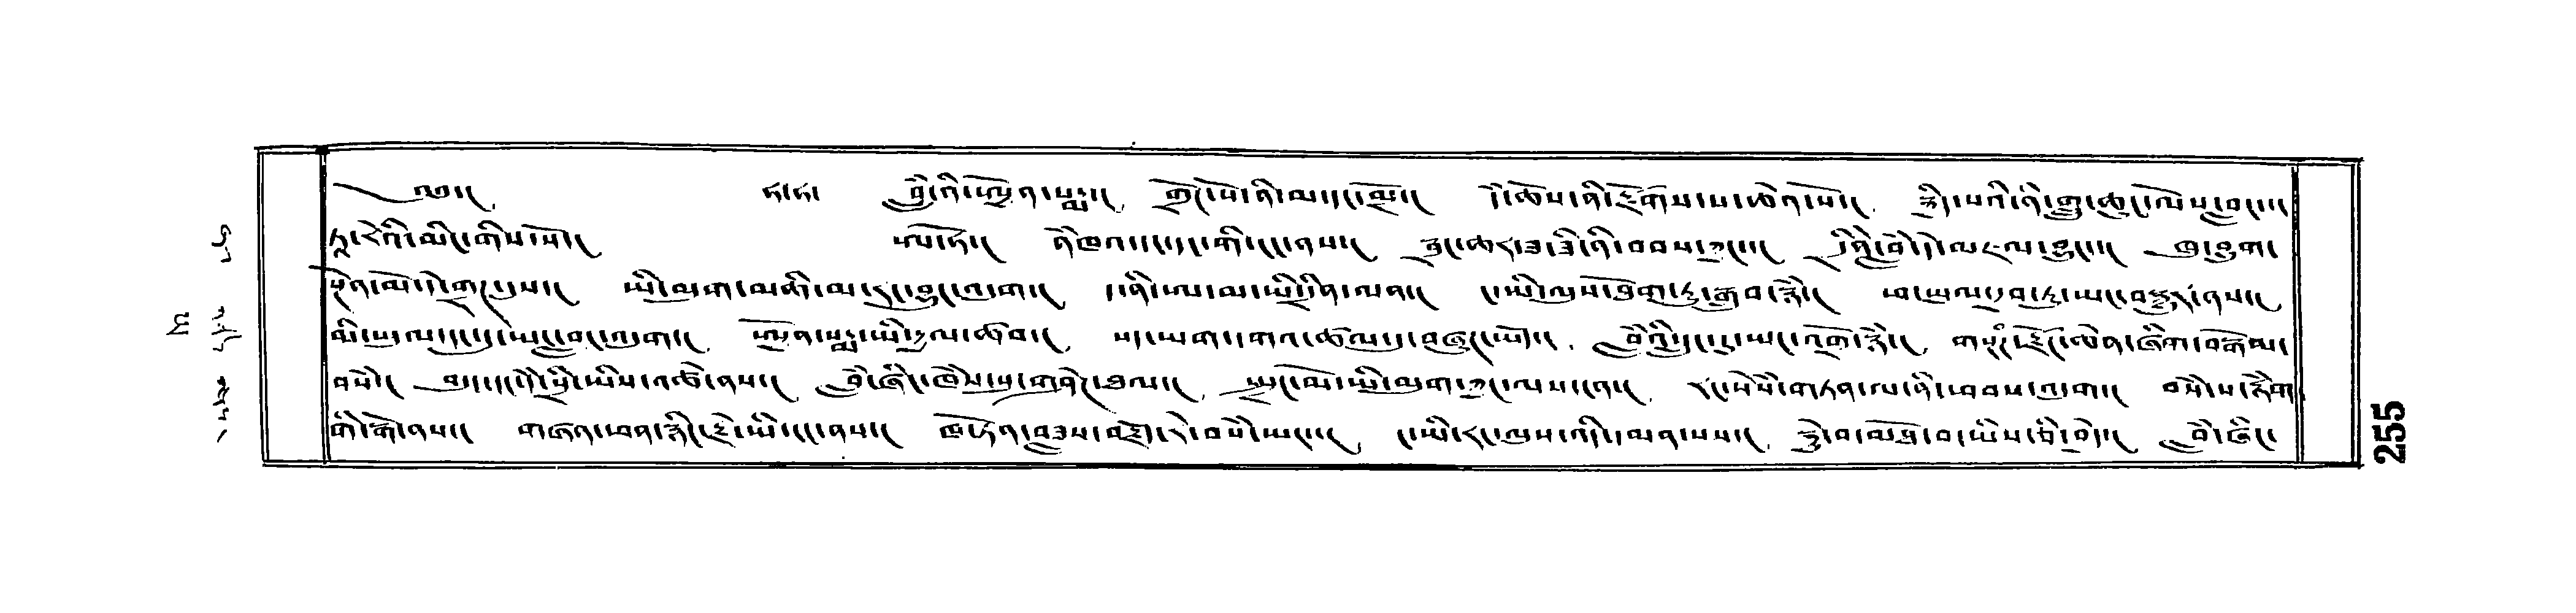ཧ་ཧ། བླ་མ་ནི་ཨོ་རྒྱན་པདྨ། །གྲོགས་པོ་ནི་མ་དང་མཁའ་འགྲོ། །དམ་ཆོས་ནི་རྫོགས་པ་ཆེན་པོ། །སྐྱིད་པའི་ནི་གླུ་ཆུང་ལོས་བླང་། 
ཏཱ་རེའི་མིང་གིས་སོ། ཨ་ཧོ། ནམ་མཁའ་དང་བས་དྭངས་ཀྱི་ངང་ནས། །སྦྲང་ཆར་ཟ་ཟི་ནི་བབས་ཀྱང་། །དྲིན་ཆེན་བླ་མ་དེ་མཇལ་བྱུང་། ཁུ་བྱུག་
སྔོན་མོ་དེ་གྲགས་དུས། །ཡི་མུག་མཆི་མ་རང་བྱུང་འདུག །ད་ནི་ཨ་མ་ཡི་དྲིན་ལན། །ང་ཡི་ལུས་ཐོག་ཏུ་སྒྲུབ་སྙམ། །ཕ་ཡུལ་རྒྱབ་ཏུ་ཡང་བསྐྱུར་ནས། །
མི་ཡུལ་དང་དུ་ཡང་བླང་འདུག །ཨོ་རྒྱན་པདྨ་ཡི་རྒྱལ་ཚབ། །པད་ཡག་དགའ་ཚལ་དུ་བཞུགས་ཡོད། །བླ་མའི་དྲུང་དུ་ཡང་འགྲོ་སྙམ། །གསང་སྔགས་རྫོགས་ཆེན་ཞིག་བསྒོམ་
བསམ། །བདུད་དང་དམ་སྲི་ཡིས་འཚེ་ནས། །བླ་མ་ཞིང་ཁམས་སུ་གཤེགས་ཐལ། སྤྲང་མོ་ཡི་མུག་ཀྱང་ལས་ངན། །རང་སེམས་གཏན་ལ་ནི་ཕབས་འདུག །བསམ་པ་རྣམ་དག་
གི་སྒོ་ནས། །གཞན་ཕན་སྙིང་རྗེ་ཡི་ངང་ནས།ཁ་ཏོན་བཟླས་བརྗོད་རེ་བསམ་ཡང་། །ང་ཡི་རང་ལུས་འདི་དམན་པས། །སྐྱེ་བ་མཐོ་བ་ཡིས་ཅི་བྱེད། །བླ་མ་ཞིང་